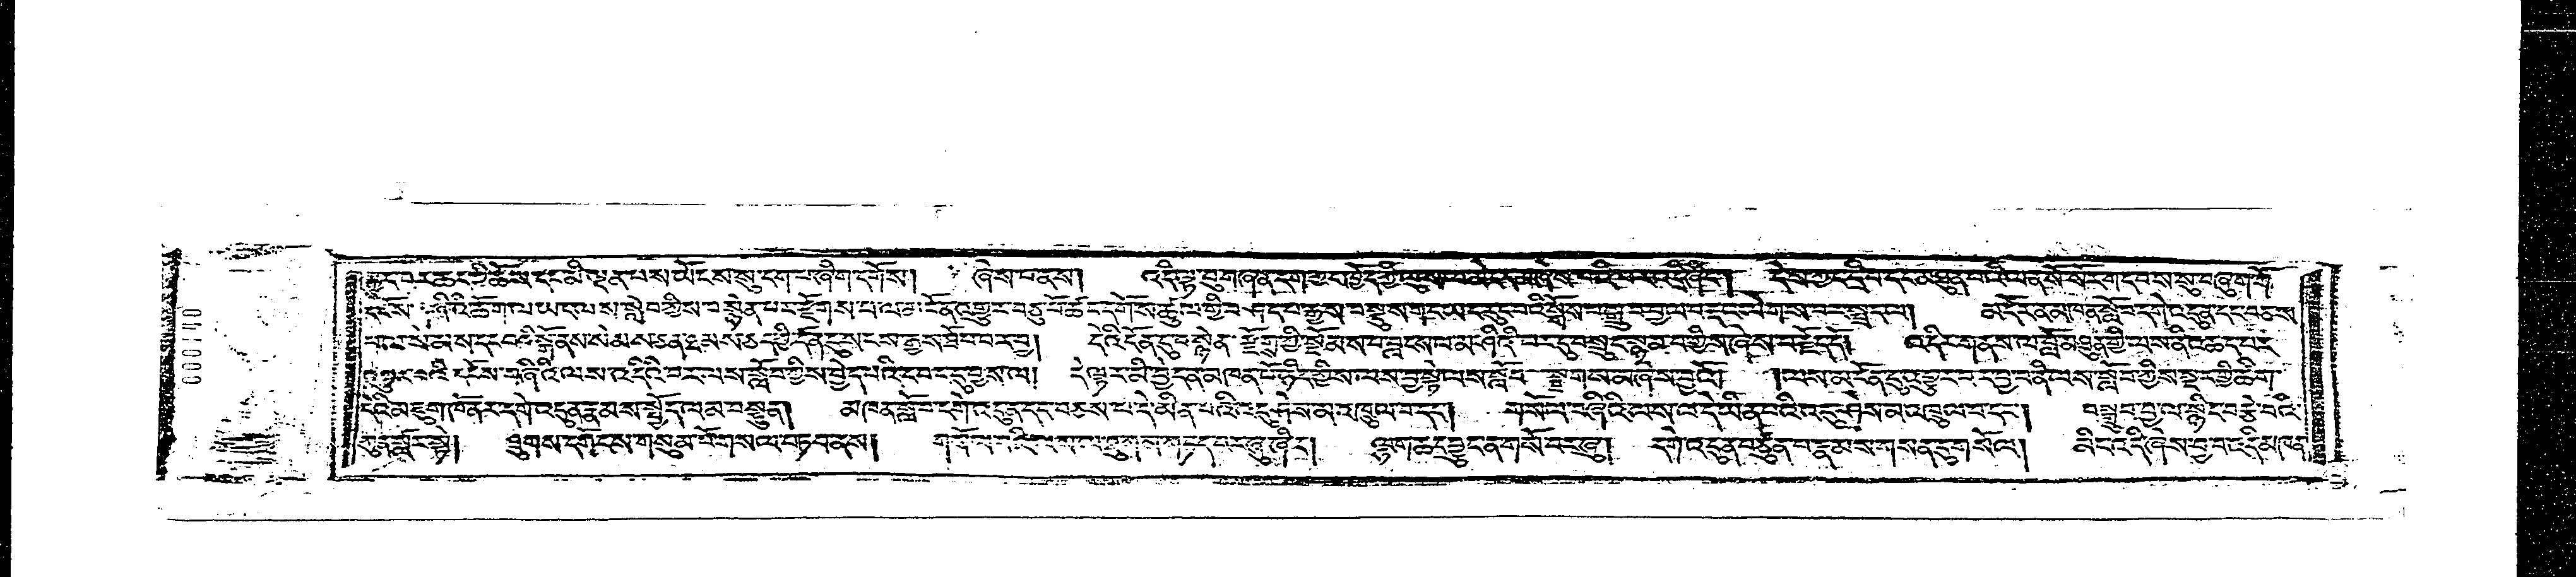རྒྱུར་བར་ཆད་ཀྱི་ཆོས་དང་མི་ལྡན་པས་ཡོངས་སུ་དག་པ་ཞིག་དགོས། ཞེས་པ་ནས། འདི་ལྟ་བུ་གཞན་དག་ཀྱང་ཁྱོད་ཀྱི་ལུས་ལ་མེད་དམ་ཞེས་པའི་བར་འདྲི་ཞིང་། དེས་ཀྱང་དྲི་བ་དང་མཐུན་པའི་ལན་སོ་སོར་གདབས་སུ་བཞུག་གོ་
དངོས་གཞིའི་ཆོ་ག་ལ་ཡང་ལས་སླེབ་ཀྱིས་བསྙེན་པར་རྫོགས་པ་ལ་མངོན་འགྱུར་བཅུ་པོ་ཚང་དགོས་ཚུལ་གྱི་བཤད་པ་རྒྱས་བསྡུས་གང་ཡང་རུང་བའི་སྒོས་བསྒྲུབ་བྱ་ལ་བརྡའ་ལེགས་པར་སྤྲད་ལ། མདོར་ན་མཁན་སློབ་དགེ་འདུན་དང་བཅས་
པ་ལ་སེམས་དང་བའི་སྒོ་ནས་སེམས་ཅན་ཐམས་ཅད་ཀྱི་དོན་དུ་སངས་རྒྱས་ཐོབ་པར་བྱ། དེའི་དོན་དུ་བསྙེན་རྫོགས་ཀྱི་སྡོམས་པ་བླངས་ལ་མ་ཤིའི་བར་དུ་བསྲུང་སྙམ་པ་གྱིས་ཞེས་བརྗོད་དོ། འདིར་གནས་ལ་བློ་མཐུན་གྱི་ལས་ནི་འཆད་པར་
འགྱུར་བའི་དངོས་བཞིའི་ལས་འདིའི་བར་ལས་སློབ་ཀྱིས་བྱེད་པའི་དབང་དུ་བྱས་ལ། དེ་ལྟར་མི་བྱེད་ན་མཁན་པོ་ཉིད་ཀྱིས་ལས་བྱ་སྟེ་ལས་སློབ་སྒྲགས་མ་ཞེས་བྱའོ། །ལས་མངོན་དུ་འགྱུར་བར་བྱ་བ་ནི་ལས་སློབ་ཀྱིས་སྔར་གྱི་ཚིག་
དེའི་མཇུག་ཁོ་ནར་དགེ་འདུན་རྣམས་སྤྱོད་ལམ་བསྟུན། མཁན་སློབ་དགེ་འདུན་དང་བཅས་པ་དེ་མིན་པའི་འདུ་ཤེས་མ་འཁྲུལ་བ་དང་། གསོལ་བཞིའི་ལས་ལ་དེ་ཡིན་པའི་འདུ་ཤེས་མ་འཁྲུལ་བ་དང་། བསྒྲུབ་བྱ་ལ་སྙིང་བརྩེ་བའི་
ཀུན་སློང་སྟེ། ཐུགས་དགོངས་གསུམ་པོ་གསལ་བཏབ་ནས། གསོལ་བའི་ལས་ལ་ཐུགས་གཏད་པར་ཞུ་ཞིང་། ལྷག་ཆང་བྱུང་ན་གསོ་བར་ཞུ། དགེ་འདུན་བཙུན་པ་རྣམས་གསན་དུ་གསོལ། མིང་འདི་ཞེས་བྱ་བ་འདི་མཁན་